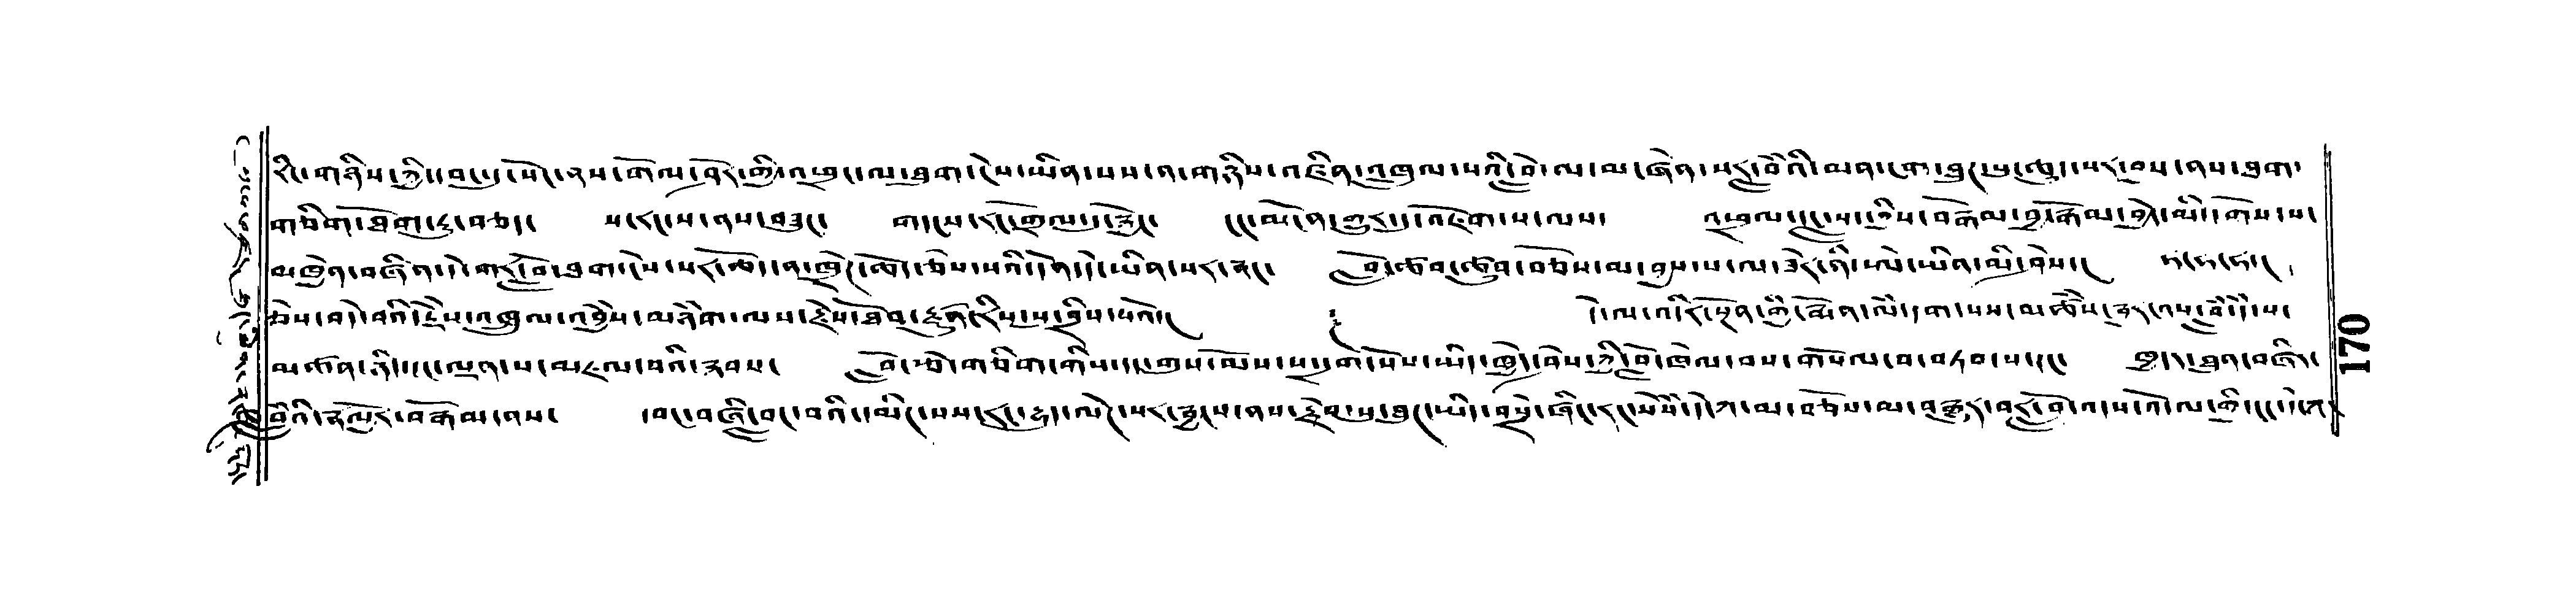རིང་གཉིས་ཀྱི་དབང་དུ་སོང་ནས་གོལ་ཤོར་གྱི་འཕྲང་ལ་ཐུག་ངེས་ཡིན་པས་ན་གཉིས་འཛིན་འཁྲུལ་པའི་བློ་ལ་མ་ཞེན་པར་བླ་མའི་མན་ངག་ཐུགས་སུ་ཆུད་པར་བྱས་ནས་ཐག་
གཅིག་ཐོག་ཏུ་བཅད། ས་རང་ས་ནས་བཟུང་། གདངས་རང་གྲོལ་དུ་སྐྱོང་། ངང་མངོན་གྱུར་དུ་འཇོག་པ་ལས། འཕྲལ་དང་སླད་ཀྱིས་བསྒོམ་བྱ་སྒོམ་བྱེད་མི་དགོས་པ་
མཁྱེན་བཞིན་དེ་གར་བློ་ཐག་ངེས་པར་ཆོད་ན་ཁྲེགས་ཆོད་ཅེས་པའི་དོན་དེ་ཡིན་པར་སྣང་། བློ་ཚབ་ཚུབ་བཅོས་མ་བྱས་པ་ལ་ཟེར་ནི་ཨེ་ཡིན་མི་ཤེས། ཧ་ཧ་ཧ། 
ཅེས་བདེ་བའི་རྡོ་རྗེས་འཁྲུལ་འབྱམས་མཉམ་དག་ལས་རྗེས་ཐོབ་རྫུན་རིས་སུ་བྲིས་པའོ།། ༈ དེ་ལ་འདིར་སྔོན་གྱི་སྨོན་ལམ་དག་པས་མཚམས་སྦྱར་ནས་བླ་མ་དམ་པ་
མཚན་ཉིད་དང་ལྡན་པ་མཇལ་བའི་སྐབས། བློ་རྩེ་གཅིག་གིས་དད་གུས་མོས་པ་དྲག་པོས་ཡིད་ཁྱེད་ཤེས་ཀྱི་བློ་ཁེལ་བས་གསོལ་བ་བཏབ་པ་དང་། ཁྱད་པར་ཐུན་བཞིར་
བླ་མའི་རྣལ་འབྱོར་བསྒོམས་ནས། དབང་བཞི་བླང་བའི་དམིགས་པས་རང་རྒྱུད་ལེགས་པར་སྦྱངས་ནས་རྗེས་སུ་ཐུགས་ཡིད་བསྲེ་ཞིང་རང་སེམས་དེ་ཀ་མ་བཅོས་མ་བསྒྱུར་བར་བློ་འདས་འོད་གསལ་གྱི་ངང་དེ་ཀ་